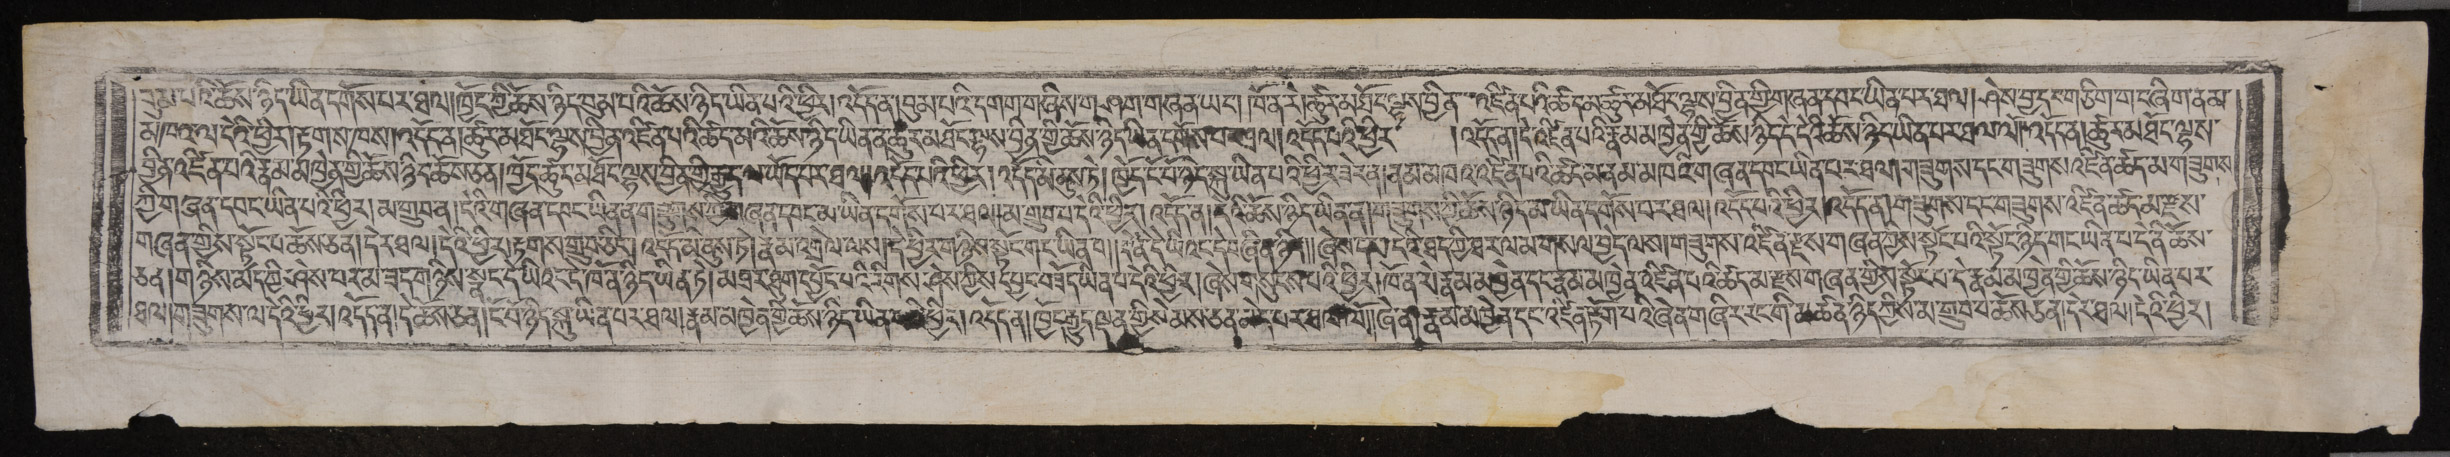བུམ་པའི་ཆོས་ཉིད་ཡིན་དགོས་པར་ཐལ། ཁྱོད་ཀྱི་ཆོས་ཉིད་བུམ་པའི་ཆོས་ཉིད་ཡིན་པའི་ཕྱིར། འདོད་ན། བུམ་པའི་དགག་གཞིས་གཤག་གཞན་ཡང་། ཁོ་ན་རེ། ཚུར་མཐོང་ལྷས་བྱིན་འཛིན་པའི་ཚད་མ་ཚུར་མཐོང་ལྷས་བྱིན་གྱི་གཞན་དབང་ཡིན་པར་ཐལ། ཤེས་བྱ་དང་གཅིག་གང་ཞིག་ནམ་
མཁའ་ལ་དེའི་ཕྱིར། རྟགས་ཁས། འདོད་ན། ཚུར་མཐོང་ལྷས་བྱིན་འཛིན་པའི་ཚད་མའི་ཆོས་ཉིད་ཡིན་ན་ཚུར་མཐོང་ལྷས་བྱིན་གྱི་ཆོས་ཉིད་ཡིན་དགོས་པར་ཐལ། འདོད་པའི་ཕྱིར། འདོད་ན། དེ་འཛིན་པའི་རྣམ་མཁྱེན་གྱི་ཆོས་ཉིད་དེ་དེའི་ཆོས་ཉིད་ཡིན་པར་ཐལ་ལོ། །འདོད་ན། ཚུར་མཐོང་ལྷས་
བྱིན་འཛིན་པའི་རྣམ་མཁྱེན་གྱི་ཆོས་ཉིད་ཆོས་ཅན། ཁྱོད་ཚུར་མཐོང་ལྷས་བྱིན་གྱི་རྒྱུད་ལ་ཡོད་པར་ཐལ། འདོད་པའི་ཕྱིར། འདོད་མི་ནུས་ཏེ། ཁྱོད་ངོ་བོ་ཉིད་སྐུ་ཡིན་པའི་ཕྱིར་ཟེར་ན། ནམ་མཁའ་འཛིན་པའི་ཚད་མ་ནམ་མཁའི་གཞན་དབང་ཡིན་པར་ཐལ། གཟུགས་དང་གཟུགས་འཛིན་ཚད་མ་གཟུགས་
ཀྱི་གཞན་དབང་ཡིན་པའི་ཕྱིར། མ་གྲུབ་ན། དེའི་གཞན་དབང་ཡིན་ན་གཟུགས་ཀྱི་གཞན་དབང་མ་ཡིན་དགོས་པར་ཐལ། མ་གྲུབ་པ་དེའི་ཕྱིར། འདོད་ན། དེའི་ཆོས་ཉིད་ཡིན་ན། གཟུགས་ཀྱི་ཆོས་ཉིད་མ་ཡིན་དགོས་པར་ཐལ། འདོད་པའི་ཕྱིར། འདོད་ན། གཟུགས་དང་གཟུགས་འཛིན་ཚད་མ་རྫས་
གཞན་གྱིས་སྟོང་པ་ཆོས་ཅན། དེར་ཐལ། དེའི་ཕྱིར། རྟགས་གྲུབ་ཅིང་། འདོད་མི་ནུས་ཏེ། རྣམ་འགྲེལ་ལས། དེ་ཕྱིར་གཉིས་སྟོང་གང་ཡིན་པ། །དེ་ནི་དེ་ཡིའང་དེ་བཞིན་ཉིད། །ཞེས་དང་། དེའི་ཐད་ཀྱི་ཐར་ལམ་གསལ་བྱེད་ལས། གཟུགས་འཛིན་རྫས་གཞན་ཀྱིས་སྟོང་པའི་སྟོང་ཉིད་གང་ཡིན་པ་དེ་ནི་ཆོས་
ཅན། གཉིས་མེད་ཀྱི་ཤེས་པར་མ་ཟད་གཉིས་སྣང་དེ་ཡིའང་དེ་ཁོ་ན་ཉིད་ཡིན་ཏེ། མཐར་ཐུག་དཔྱོད་པའི་རིགས་ཤེས་ཀྱིས་དཔྱད་བཟོད་ཡིན་པ་དེའི་ཕྱིར། ཞེས་གསུངས་པའི་ཕྱིར། ཁོ་ན་རེ། རྣམ་མཁྱེན་དང་རྣམ་མཁྱེན་འཛིན་པའི་ཚད་མ་རྫས་གཞན་གྱིས་སྟོང་པ་དེ་རྣམ་མཁྱེན་གྱི་ཆོས་ཉིད་ཡིན་པར་
ཐལ། གཟུགས་ལ་དེའི་ཕྱིར། འདོད་ན། དེ་ཆོས་ཅན། ངོ་བོ་ཉིད་སྐུ་ཡིན་པར་ཐལ། རྣམ་མཁྱེན་གྱི་ཆོས་ཉིད་ཡིན་པའི་ཕྱིར། འདོད་ན། ཁྱོད་རྒྱུད་ལྡན་གྱི་སེམས་ཅན་མེད་པར་ཐལ་ལོ། །ཞེ་ན། རྣམ་མཁྱེན་རང་འཛིན་རྟོག་པའི་ཞེན་གཞིར་རང་གི་མཚན་ཉིད་ཀྱིས་མ་གྲུབ་པ་ཆོས་ཅན། དེར་ཐལ། དེའི་ཕྱིར།